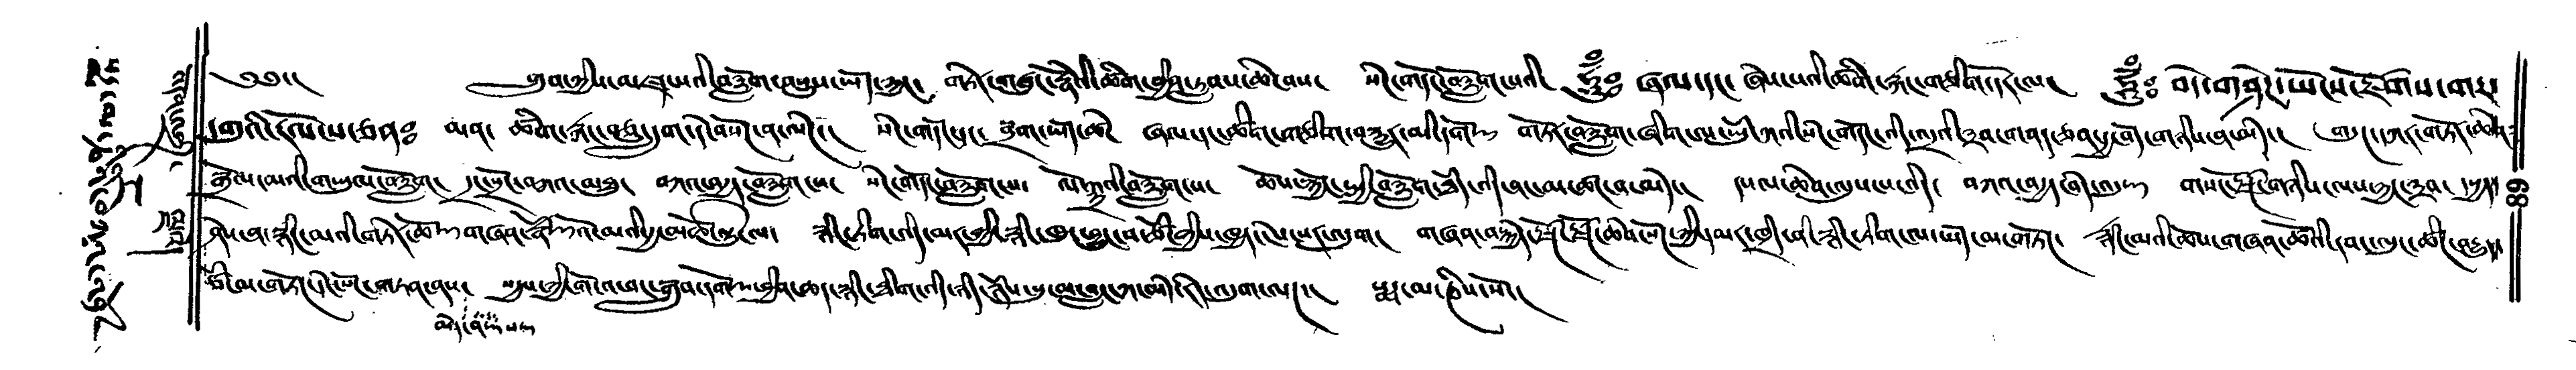གྲུབ་ཀྱིས་མཛད་པའི་ཟློག་བསྡུས་ཡོད་ཀྱང་། གཏེར་གཞུང་རྡོ་རྗེའི་ཚིག་བྱིན་རླབས་ཆེ་བས། སེང་གདོང་ཟློག་པའི། ཧཱུྃཿ ཞལ་དང༴ ཞེས་པའི་ཚིག་རྐང་གཅིག་དོར་ལ། ཧཱུྃཿ བེད་གཤེགས་ཡོངས་རྫོགས་གར་
དགུའི་རོལ་པ་ཅནཿ མན་ཚིག་རྐང་བཅུ་དྲུག་དེ་བསགས་ན་ལེགས། སེང་གདོང་དང་སྦྲགས་ཡོད་ཚེ། ཞལ་ཚིག་གཅིག་སྐྱུར་མི་དགོས། གཏོར་ཟློག་ཞིག་ལ་ཡུམ་ཀའི་སེང་གདོང་འདི་འདྲའི་ཟབ་གནད་ཅན་རྒྱ་བོད་གཉིས་ན་མེད། གདུགས་དཀར་གཏོར་ཆེན་
སྒྲོལ་མའི་གཡུལ་ཟློག དྲང་སྲོང་བཀའ་མཐུ། བཀའ་བརྒྱད་ཟློག་པ། སེང་གདོང་ཟློག་པ། ལོ་ཀྟྲིའི་ཟློག་པ། ཆོས་སྐྱོང་སྤྱི་ཟློག་ཐམས་ཅད་འདི་ནང་མ་ཚང་བ་མེད།དཔལ་ཆེན་འདུས་པ་འདི། བཀའ་བརྒྱད་བདེ་འདུས་དང་གསང་རྫོགས་གཉིས་ལས་ཀྱང་ཟབ། དཔྱོད་
ཤེས་ན་རྙིང་མའི་གཏེར་ཆོས་གཞན་རྣམས་འོ་མའི་རྒྱ་མཚོ་ལྟ་བུ་ལ། སྙིང་ཏིག་འདི་མར་གྱི་སྙིང་ཁུ་ཕྱུང་བ་ཙམ་གྱི་ཁྱད་ངེས་པར་འདུག གཞན་བསྐྱེད་རྫོགས་རྫོགས་ཆེན་སོགས་ཀྱི་དམར་ཁྲིད་ནི་སྙིང་ཏིག་ཁོ་ན་ལ་མ་གཏོགས། རྙིང་མའི་ཆོས་གཞན་ཚོ་དབང་ལུང་ཚིག་བརྒྱུད་
ཙམ་ལས་དེང་སོང་གཏན་ནས་མེད་པས། སངས་རྒྱས་ཀྱི་གོ་འཕང་སྒྲུབ་དགོས་ཕྱིན་ཆད་སྙིང་ཐིག་འདི་ཉིད་ཉམས་སུ་མ་བླངས་ཀ་མེད་རེད་འདུག་ལགས། པདྨ་མ་ཎིས་སོ།། དགེའོ།།